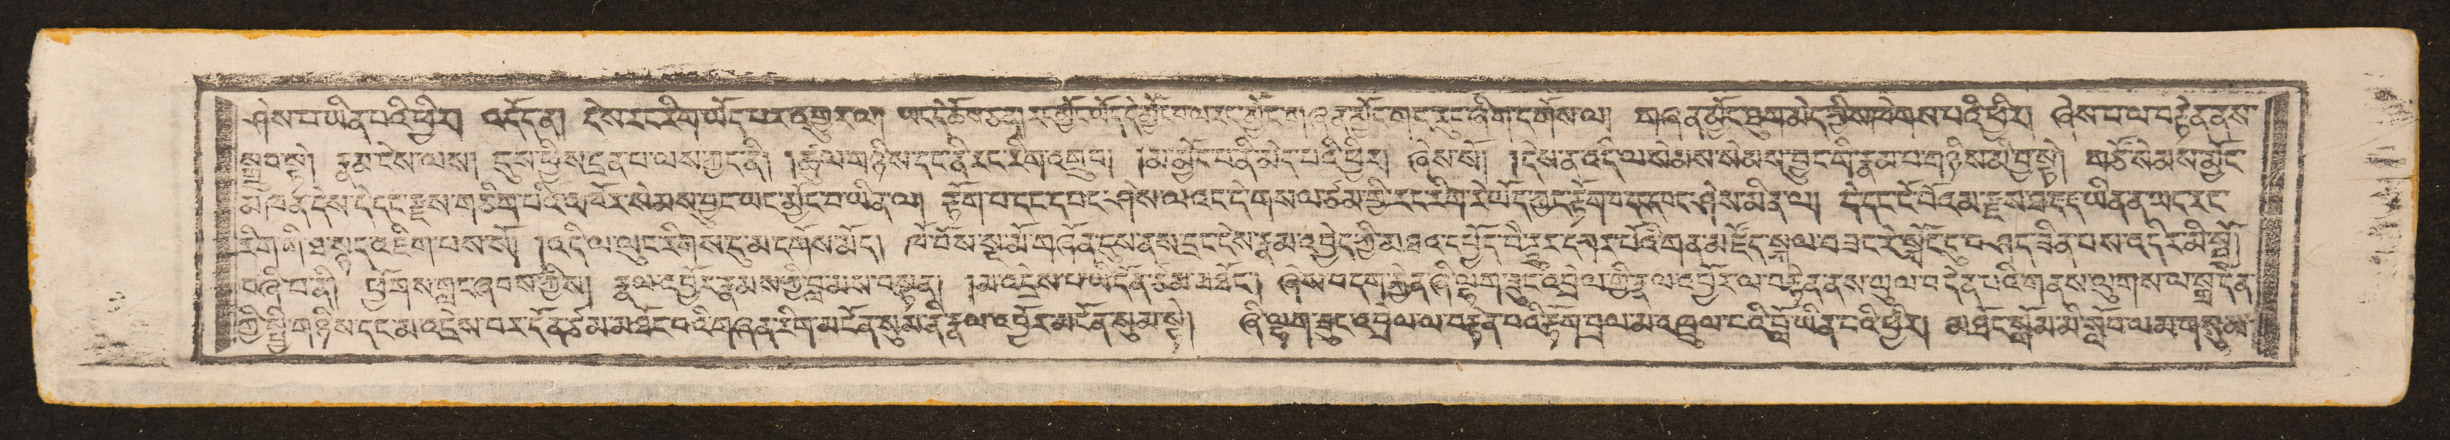ཤེས་པ་ཡིན་པའི་ཕྱིར། འདོད་ན། ངེས་རང་རིག་ཡོད་པར་འགྱུར་ལ། ཡང་དེ་ཆོས་ཅན། རང་མྱོང་ཡོད་དེ་མྱོང་བ་ལ་རང་མྱོང་གཞན་མྱོང་གང་རུང་ཞིག་དགོས་ལ། གཞན་མྱོང་ཐུག་མེད་ཀྱིས་ཁེགས་པའི་ཕྱིར། ཞེས་པ་ལ་བརྟེན་ནས་
སྒྲུབ་སྟེ། རྣམ་ངེས་ལས། དུས་ཕྱིས་དྲན་པ་ལས་ཀྱང་ནི། །ཚུལ་གཉིས་དང་ནི་རང་རིག་འགྲུབ། །མ་མྱོང་བ་ནི་མེད་པའི་ཕྱིར། ཞེས་སོ། །དེས་ན་འདི་ལ་སེམས་སེམས་བྱུང་གི་རྣམ་པ་གཉིས་མི་བྱ་སྟེ། གཙོ་སེམས་མྱོང་
མཁན་ངེས་དེ་དང་རྫས་གཅིག་པའི་འཁོར་སེམས་བྱུང་ཡང་མྱོང་བ་ཡིན་ལ། རྟོག་པ་དང་དབང་ཤེས་ལའང་དེ་གསལ་ཙམ་གྱི་རང་རིག་རེ་ཡོད་ཀྱང་རྟོག་པ་དང་དབང་ཤེས་མིན་ལ། དེ་དང་ངོ་བོའམ་རྫས་ཐ་དད་ཡིན་ན་ཡང་རང་
རིག་གི་ཐ་སྙད་འཇིག་པས་སོ། །འདི་ལ་ལུང་རིགས་དུ་མ་དགོས་མོད། ཁོ་བོས་སྔ་མོ་གཞོན་དུས་ནས་དྲང་ངེས་རྣམ་འབྱེད་ཀྱི་མཐའ་དཔྱོད་བཻ་ཌཱུར་དཀར་པོའི་གན་མཛོད་སྐལ་བཟང་རེ་སྐོང་དུ་བཤད་ཟིན་པས་འདིར་མི་སྤྲོ།
བཞི་པ་ནི། ཕྱོགས་གླང་ཞབས་ཀྱིས། རྣལ་འབྱོར་རྣམས་ཀྱི་བླ་མས་བསྟན། །མ་འདྲེས་པ་ཡི་དོན་ཙམ་མཐོང་། ཞེས་བདག་རྐྱེན་ཞི་ལྷག་ཟུང་འབྲེལ་གྱི་རྣལ་འབྱོར་ལ་བརྟེན་ནས་ཡུལ་བདེན་པའི་གནས་ལུགས་ལ་སྒྲ་དོན་
གྱི་སྤྱི་གཉིས་དང་མ་འདྲེས་པར་དོན་ཙམ་མཐོང་བའི་གཞན་རིག་མངོན་སུམ་ནི་རྣལ་འབྱོར་མངོན་སུམ་སྟེ། ཞི་ལྷག་ཟུང་འབྲེལ་ལ་བརྟེན་པའི་རྟོག་བྲལ་མ་འཁྲུལ་པའི་བློ་ཡིན་པའི་ཕྱིར། མཐོང་སྒོམ་མི་སློབ་ལམ་གསུམ་